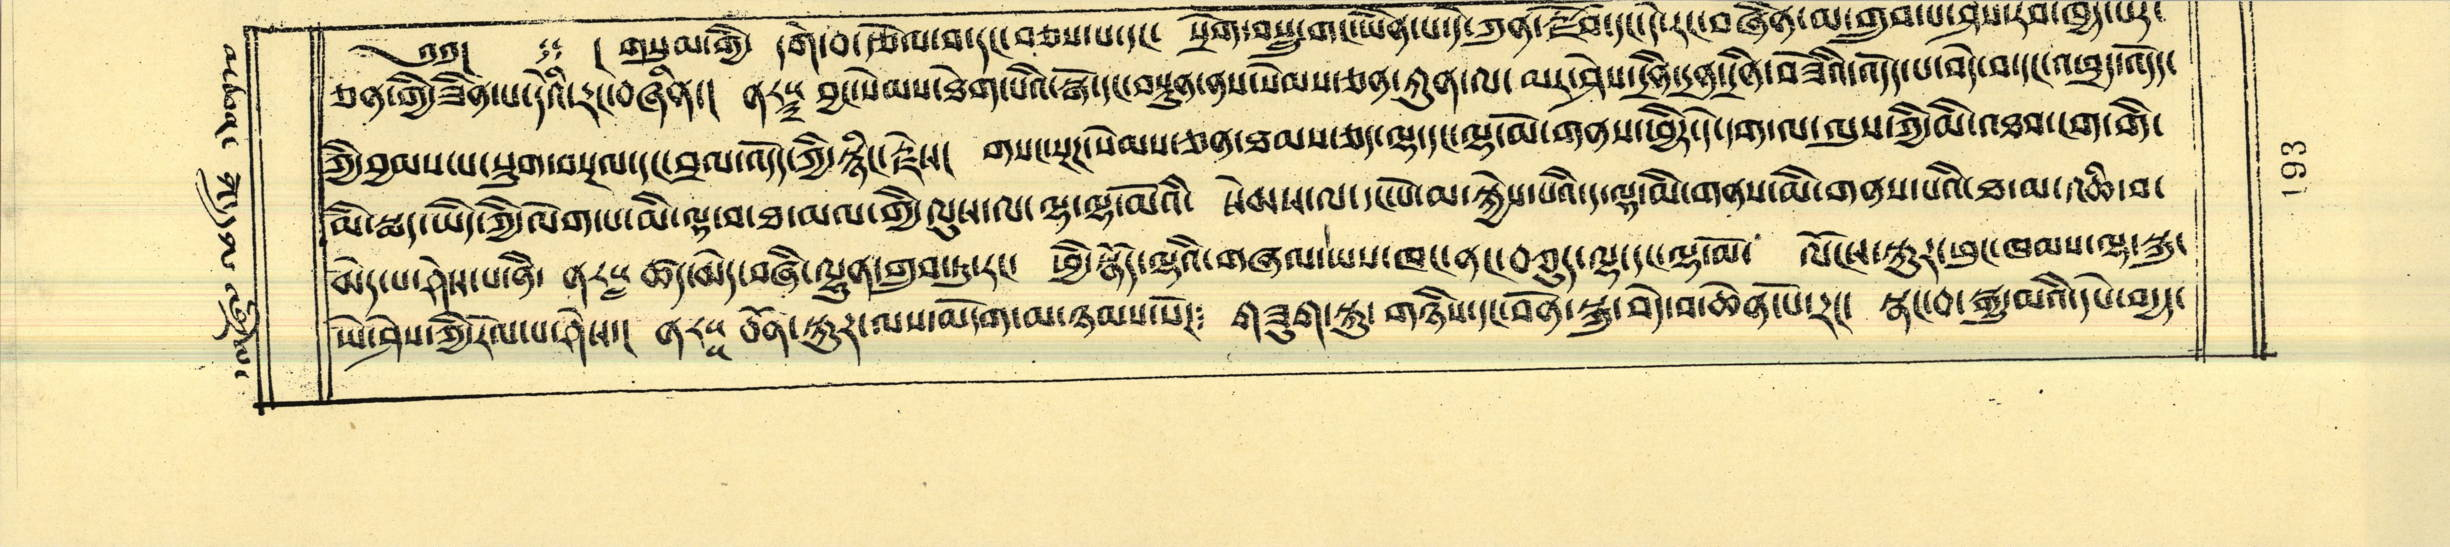གསུམ་གྱི་ དགེ་བ་རྩོལ་བ་དང་བཅས་པ་དང་། སྲོག་བསླུ་གང་ཡིན་པ་དེ་ཀུན་རྫོབ་དང་དེ་རང་བཞིན་མ་གྲུབ་པ་ཤེས་རབ་ཁྱད་པར་
ཅན་གྱིས་ཟིན་པ་དེའི་རང་བཞིན་ ན༨༥།༣བྱང་སེམས་ཐེག་པའི་སྒོ་དང་བསྟུན་ནས་སེམས་ཅན་ཀུན་ལ་མར་ཤེས་དྲིན་དྲན་དྲིན་བཟོའི་འདོད་པ་བདེ་བ་དང་འཕྲད་འདོད་
ཀྱི་བྱམས་པ་སྡུག་བསྔལ་དང་བྲལ་འདོད་ཀྱི་སྙིང་རྗེས། གསང་སྔགས་སེམས་ཅན་ཐམས་ཅད་ལྷ་དང་ལྷ་མོ་གནས་ཕྱིར་དེ་དག་ལ་ལུས་ཀྱིས་མི་འཐབ་ངག་གིས་
མི་སྨད་ཡིད་ཀྱིས་ལོག་པར་མི་ལྟ་བ་ཐ་མལ་གྱི་ལུས་ལ་ལྷ་ལྷ་མོའི། སེམས་ལ་དང་པོ་མ་སྐྱེས་པས་ད་ལྟ་མི་གནས་ད་ལྟ་མི་གནས་པས་ཐ་མ་འཆི་བ་
མེད་པ་ཤེས་པ་ནི། ན༨༥།༤ཚད་མེད་བཞི་ལྷུན་གྲུབ་ཏུ་ རང་ཕྱི་སྣོད་ལྷའི་གཞལ་ཡས་ཁང་ནང་བཅུད་ལྷ་དང་ལྷ་མོ་ ལོངས་སྐུར་ཕུང་ཁམས་ལྷ་སྐུ་
ཡེ་ཤེས་ཀྱི་རོལ་པ་ཤེས་ ན༨༥།༥བོན་སྐུར་ལས་མདོག་མ་ཉམས་སོགས། གཟུགས་སྐུ་གཉིས་དང་བོན་སྐུ་བདེ་བ་ཆེན་པོ་རང་ སྣང་བ་སྒྱུ་མའི་དཔེ་བརྒྱད་